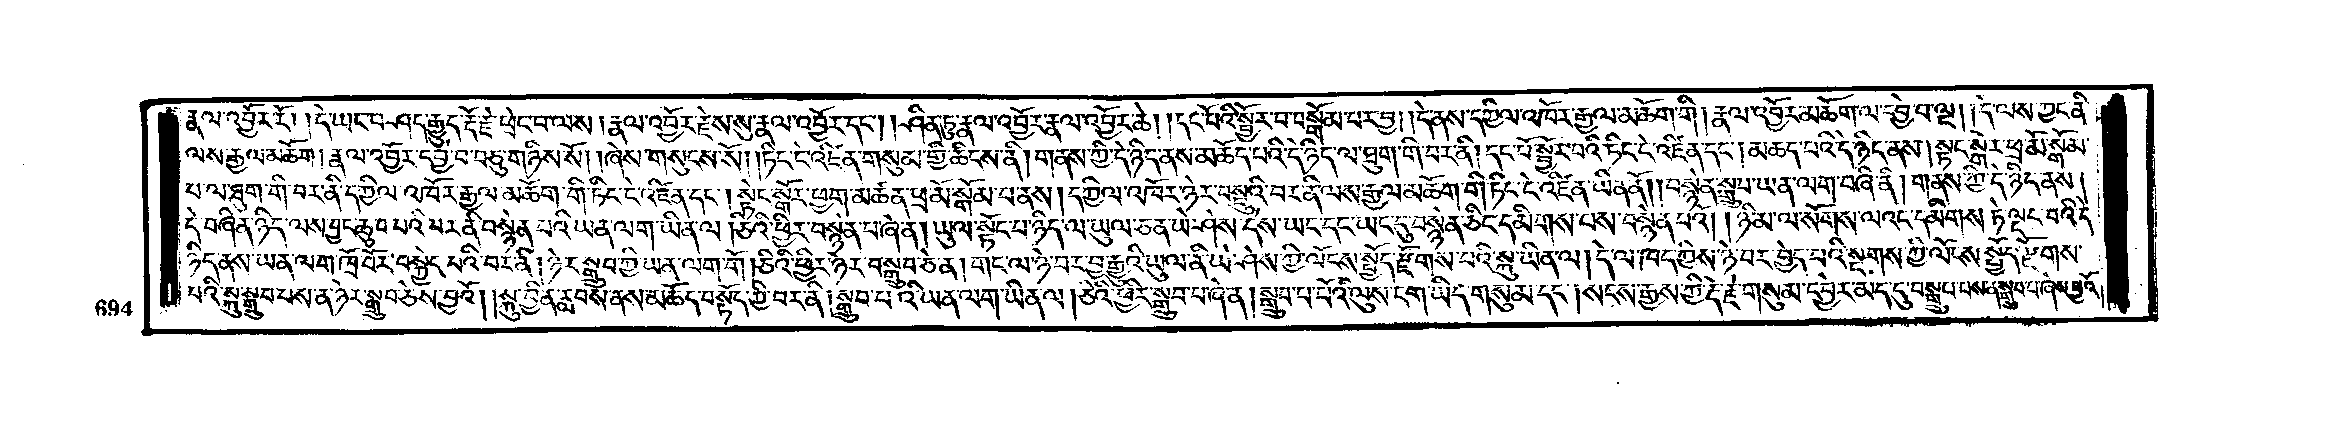རྣལ་འབྱོར་རོ། །དེ་ཡང་བཤད་རྒྱུད་རྡོ་རྗེ་ཕྲེང་བ་ལས། རྣལ་འབྱོར་རྗེས་སུ་རྣལ་འབྱོར་དང་། །ཤིན་ཏུ་རྣལ་འབྱོར་རྣལ་འབྱོར་ཆེ། །དང་པོའི་སྦྱོར་བ་བསྒོམ་པར་བྱ། །དེ་ནས་དཀྱིལ་འཁོར་རྒྱལ་མཆོག་གི །རྣལ་འབྱོར་མཆོག་ལ་དབྱེ་བ་ལྷ། །དེ་ལས་ཀྱང་ནི་
ལས་རྒྱལ་མཆོག །རྣལ་འབྱོར་དབྱེ་བ་བཅུ་གཉིས་སོ། །ཞེས་གསུངས་སོ། །ཏིང་ངེ་འཛིན་གསུམ་གྱི་ཆིངས་ནི། གནས་ཀྱི་དེ་ཉིད་ནས་མཆོད་པའི་དེ་ཉིད་ལ་ཐུག་གི་བར་ནི། དང་པོ་སྦྱོར་བའི་ཏིང་ངེ་འཛིན་དང་། མཆོད་པའི་དེ་ཉིད་ནས། སྟེང་སྒོར་ཕྲ་མོ་སྒོམ་
པ་ལ་ཐུག་གི་བར་ནི་དཀྱིལ་འཁོར་རྒྱལ་མཆོག་གི་ཏིང་ངེ་འཛིན་དང་། སྟེང་སྒོར་ཕྱག་མཚན་ཕྲ་མོ་སྒོམ་པ་ནས། དཀྱིལ་འཁོར་ཉེར་བསྡུའི་བར་ནི་ལས་རྒྱལ་མཆོག་གི་ཏིང་ངེ་འཛིན་ཡིན་ནོ། །བསྙེན་སྒྲུབ་ཡན་ལག་བཞི་ནི། གནས་ཀྱི་དེ་ཉིད་ནས།
དེ་བཞིན་ཉིད་ལས་བྱང་ཆུབ་པའི་བར་ནི་བསྙེན་པའི་ཡན་ལག་ཡིན་ལ། ཅིའི་ཕྱིར་བསྙེན་པ་ཞེ་ན། ཡུལ་སྟོང་པ་ཉིད་ལ་ཡུལ་ཅན་ཡེ་ཤེས་དེས་ཡང་དང་ཡང་དུ་བསྙེན་ཅིང་དམིགས་པས་བསྙེན་པའོ། །ཉི་མ་ལ་སོགས་ལའང་དམིགས་ཏེ་ལྡང་བའི་དེ་
ཉིད་ནས་ཡན་ལག་ཁྲོ་བོར་བསྐྱེད་པའི་བར་ནི། ཉེར་སྒྲུབ་ཀྱི་ཡན་ལག་གོ །ཅིའི་ཕྱིར་ཉེར་བསྒྲུབ་ཅེ་ན། གང་ལ་ཉེ་བར་བྱ་རྒྱུའི་ཡུལ་ནི་ཡེ་ཤེས་ཀྱི་ལོངས་སྤྱོད་རྫོགས་པའི་སྐུ་ཡིན་ལ། དེ་ལ་ཁད་ཀྱིས་ཉེ་བར་བྱེད་པའི་སྔགས་ཀྱི་ལོངས་སྤྱོད་རྫོགས་པའི་སྐུ་སྒྲུབ་པས་ན་ཉེར་སྒྲུབ་ཅེས་བྱའོ། །སྐུ་བྱིན་རླབས་ནས་མཆོད་བསྟོད་ཀྱི་བར་ནི། སྒྲུབ་པའི་ཡན་ལག་ཡིན་ལ། ཅིའི་ཕྱིར་སྒྲུབ་པ་ཞེ་ན། སྒྲུབ་པ་པོའི་ལུས་ངག་ཡིད་གསུམ་དང་། སངས་རྒྱས་ཀྱི་རྡོ་རྗེ་གསུམ་དབྱེར་མེད་དུ་བསྒྲུབ་པས་ན་སྒྲུབ་པ་ཞེས་བྱའོ།།